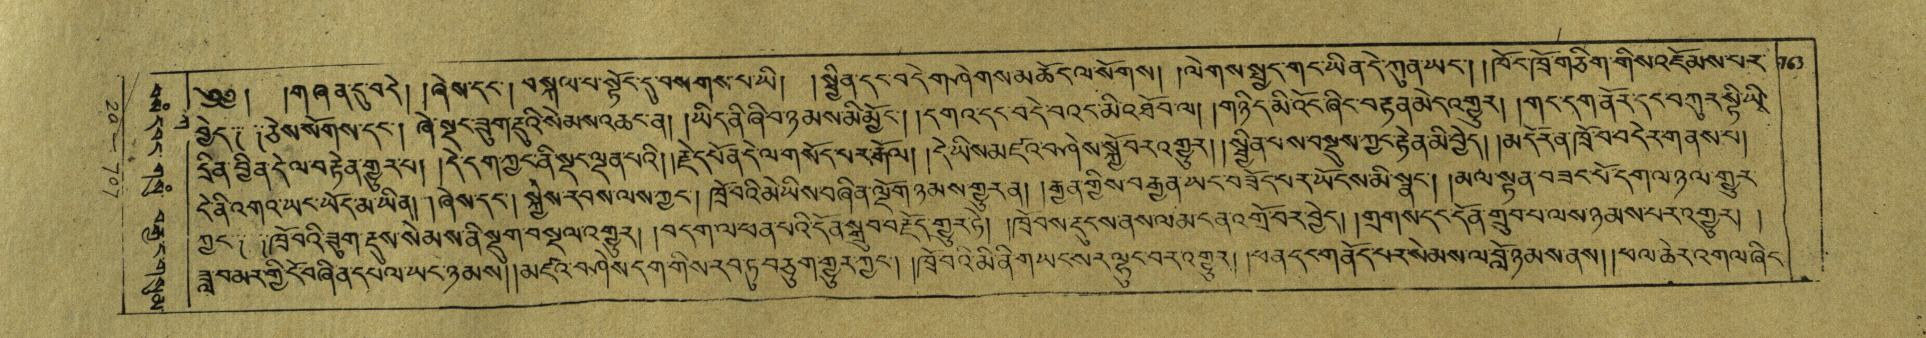༄༅། །གཞན་དུ་བདེ། །ཞེས་དང་། བསྐལ་པ་སྟོང་དུ་བསགས་པ་ཡི། །སྦྱིན་དང་བདེ་གཤེགས་མཆོད་ལ་སོགས། །ལེགས་སྤྱད་གང་ཡིན་དེ་ཀུན་ཡང་། །ཁོང་ཁྲོ་གཅིག་གིས་འཇོམས་པར་
བྱེད༑ ༑ཅེས་སོགས་དང་། ཞེ་སྡང་ཟུག་རྡུའི་སེམས་འཆང་ན། །ཡིད་ནི་ཞི་བ་ཉམས་མི་མྱོངས། །དགའ་དང་བདེ་བའང་མི་འཐོབ་ལ། །གཉིད་མི་འོང་ཞིང་བརྟན་མེད་འགྱུར། །གང་དག་ནོར་དང་བཀུར་སྟི་ཡིས་
དྲིན་བྱིན་དེ་ལ་བརྟེན་གྱུར་པ། །དེ་དག་ཀྱང་ནི་སྡང་ལྡན་པའི། །རྗེ་དཔོན་དེ་ལ་གསོད་པར་རྒོལ། །དེ་ཡིས་མཛའ་བཤེས་སྐྱོ་བར་འགྱུར། །སྦྱིན་པས་བསྡུས་ཀྱང་རྟེན་མི་བྱེད། །མདོར་ན་ཁྲོ་བ་བདེར་གནས་པ།
དེ་ནི་འགའ་ཡང་ཡོད་མ་ཡིན། །ཞེས་དང་། སྐྱེས་རབས་ལས་ཀྱང་། ཁྲོ་བའི་མེ་ཡིས་བཞིན་ལྡོག་ཉམས་གྱུར་ན། །རྒྱན་གྱིས་བརྒྱན་ཡང་བཟོད་པར་ཡོངས་མི་སྣང་། །མལ་སྟན་བཟང་པོ་དག་ལ་ཉལ་གྱུར་
ཀྱང༑ ༑ཁྲོ་བའི་ཟུག་རྡུས་སེམས་ནི་སྡུག་བསྔལ་འགྱུར། །བདག་ལ་ཕན་པའི་དོན་སྒྲུབ་བརྗོད་གྱུར་ཏེ། །ཁྲོ་བས་རྡུངས་ནས་ལམ་ངན་འགྲོ་བར་བྱེད། །གྲགས་དང་དོན་གྲུབ་པ་ལས་ཉམས་པར་འགྱུར། །
ཟླ་བ་མར་གྱི་ངོ་བཞིན་དཔལ་ཡང་ཉམས། །མཛའ་བཤེས་དག་གིས་རབ་ཏུ་བཅུག་གྱུར་ཀྱང་། །ཁྲོ་བའི་མི་ནི་གཡང་སར་ལྷུང་བར་འགྱུར། །ཕན་དང་གནོད་པར་སེམས་ལ་བློ་ཉམས་ནས། །ཕལ་ཆེར་འགལ་ཞིང་